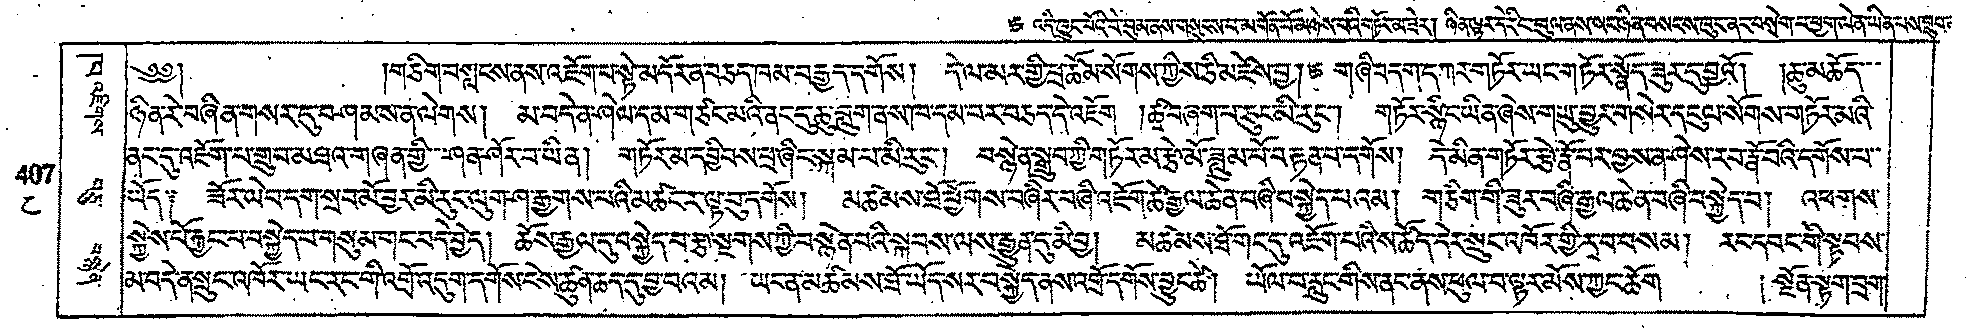༄༅། །གཅིག་བསླངས་ནས་འཇོག་པ་སྟེ་མདོར་ན་བཅད་ཁམ་བརྒྱད་དགོས། དེ་ལ་མར་གྱི་ཕྲ་ཚོམ་སོགས་ཀྱིས་ཅི་མཛེས་བྱ། འདི་ཁྱུང་པོའི་བེ་བུམ་ནས་གསུངས་པ་མགོན་པོ་མཉེས་པའི་གཏོར་མ་ཟེར། ཉིན་ལྟར་དེ་རིང་ཕུལ་ནས་སང་ཉིན་བསངས་ཁུང་ནང་བསྲེག་པ་ཕྱག་ལེན་ཡིན་པས་གྲུབ་གཞི་བདག་དཀར་གཏོར་ཡང་གཏོར་སྣོད་ཟུར་དུ་བྱའོ། །ཆུ་མཆོད་་་
ཉིན་རེ་བཞིན་གསར་དུ་བཤམས་ན་ལེགས། མ་བདེ་ན་ཤེལ་དམ་གཙང་མའི་ནང་དུ་ཆུ་བླུག་ནས་ཁ་དམ་པར་བཅད་དེ་འཇོག །ཚྭ་བཞག་པ་ཅུང་མི་རུང་། གཏོར་སྙིང་ཡིན་ཞེས་གཡུ་བྱུར་གསེར་དངུལ་སོགས་གཏོར་མའི་
ནང་དུ་འཇོག་པ་གྲུབ་མཐའ་གཞན་གྱི་་་ཤན་ཤོར་བ་ཡིན། གཏོར་མ་དབྱིབས་ཕྲ་ཞིང་སྐམ་པ་མི་རུང་། བསྙེན་སྒྲུབ་ཀྱི་གཏོར་མ་རྩེ་མོ་ཟླུམ་པོ་བརྟན་པ་དགོས། དེ་མིན་གཏོར་རྩེ་རྣོ་བར་བྱས་ན་ཤེས་རབ་རྣོ་བའི་དགོས་པ་་་
ཡོད༑ ཟོར་ལེབ་དག་སྲབ་མོ་བྱར་མི་རུང་ལུག་ཤ་རྒྱགས་པའི་མཚང་ར་ལྟ་བུ་དགོས། མཚམས་ཐོ་ཕྱོགས་བཞིར་བཞི་འཇོག་ཚེ་རྒྱལ་ཆེན་བཞི་བསྐྱེད་པའམ། གཅིག་གི་ཟུར་བཞི་རྒྱལ་ཆེན་བཞི་བསྐྱེད་པ། འཕགས་
སྐྱེས་པོ་རྐྱང་པ་བསྐྱེད་པ་གསུམ་གང་བདེ་བྱེད། ཆོས་རྒྱལ་དུ་བསྐྱེད་པ་རྩ་སྔགས་ཀྱི་བསྙེན་པའི་སྐབས་ལས་རྒྱུན་དུ་མི་བྱ། མཚམས་ཐོ་གང་དུ་འཇོག་པའི་ས་ཚོད་དེར་སྲུང་འཁོར་གྱི་རྭ་བ་བསམ། རང་དབང་གི་སྟབས་
མ་བདེ་ན་སྲུང་འཁོར་ཡང་རང་གི་འགྲོ་འདུག་དགོས་ངེས་ཚུན་ཆད་དུ་བྱ་བའམ། ཡང་ན་མཚམས་ཐོ་ཡོད་སར་བསྐྱེད་ནས་འགྲོ་དགོས་བྱུང་ཚེ། ཡོལ་བ་རླུང་གིས་ནང་ནས་ཕུལ་བ་ལྟར་མོས་ཀྱང་ཆོག །སྔོན་སྟག་བྲག་